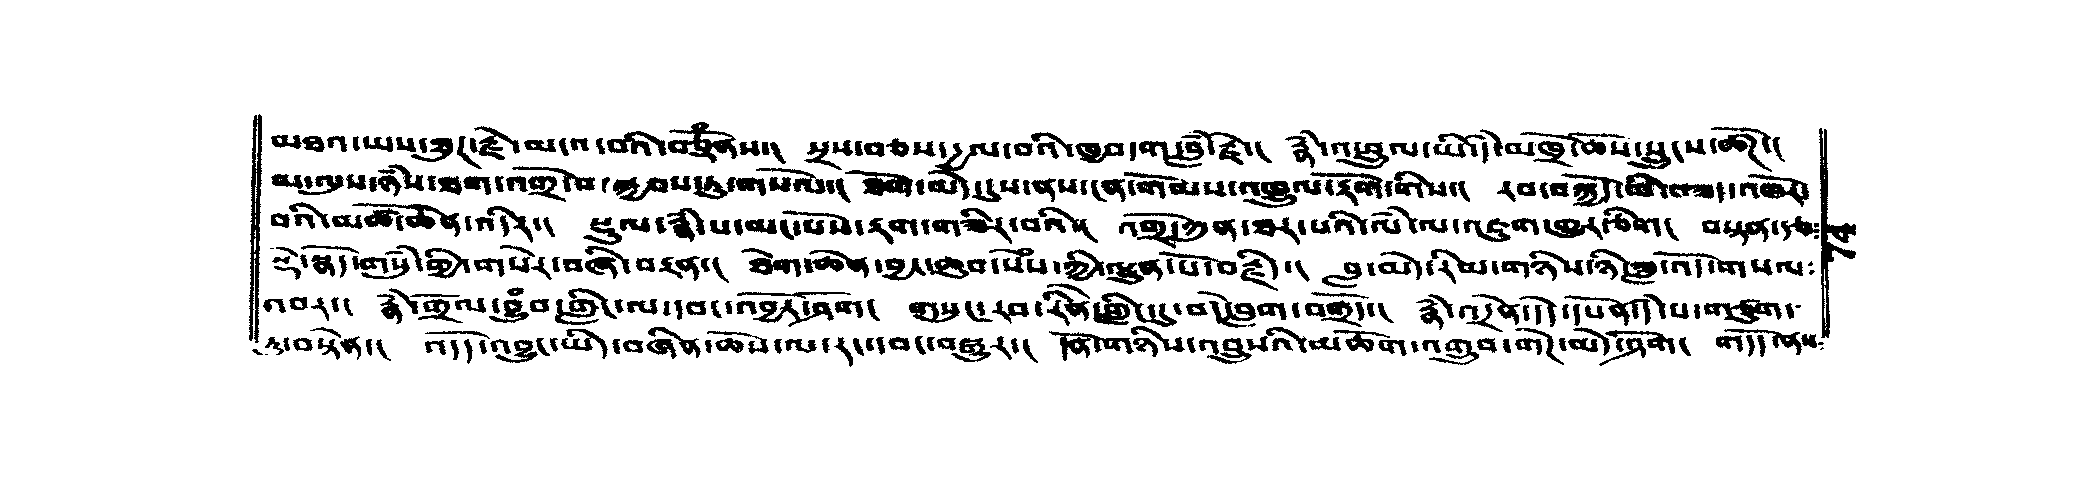མཐས་ཡས་ཐུགས་རྗེ་མངའ་བའི་བཅོམ་ལྡན་འདས། །སྲས་བཅས་རྒྱལ་བའི་ཁྱབ་བདག་བླ་མ་རྗེ། །རྣམ་འཕྲུལ་ཡི་དམ་མཁའ་འགྲོ་ཆོས་སྲུང་ཚོགས། །
མ་ལུས་ཉམས་ཐག་འགྲོ་བ་སྐྱབ་ཏུ་གསོལ། །ཐོག་མེད་དུས་ནས་ངན་གོམས་འཁྲུལ་རྟོག་གིས། །རབ་བསྐྱོད་མི་བཟད་འཁོར་
བའི་མཚོ་ཆེན་འདིར། །སྡུག་བསྔལ་རྣམ་པ་མང་པོས་རྟག་གཟིར་བའི། །འགྲོ་ཀུན་ཐར་པའི་ལམ་ལ་འཇུག་གྱུར་ཅིག །བསྟན་རྩ་
སྡེ་སྣོད་གསུམ་གྱི་གསེར་གཞི་བརྟན། །ཐེག་ཆེན་བྱང་ཆུབ་སེམས་ཀྱི་ལྷུན་པོ་བརྗིད། །བླ་མེད་རིམ་གཉིས་ཉི་ཟླ་འོད་གསལ་
འབར། །རྣམ་གྲོལ་བྱང་ཆུབ་གླིང་ལ་དབང་འབྱོར་ཤོག །གསུང་རབ་རིན་ཆེན་གླིང་དུ་བདེ་བླག་བགྲོད། །རྣམ་འདྲེན་དེད་དཔོན་དམ་པ་གཙུག་
ཏུ་བསྟེན། །འདོད་འབྱུང་ཡིད་བཞིན་ཆོས་ལ་རང་དབང་བསྒྱུར། །དོན་གཉིས་འབྲས་བུའི་མཆོག་འགྲུབ་གེགས་མེད་ཤོག །གདོད་ནས་